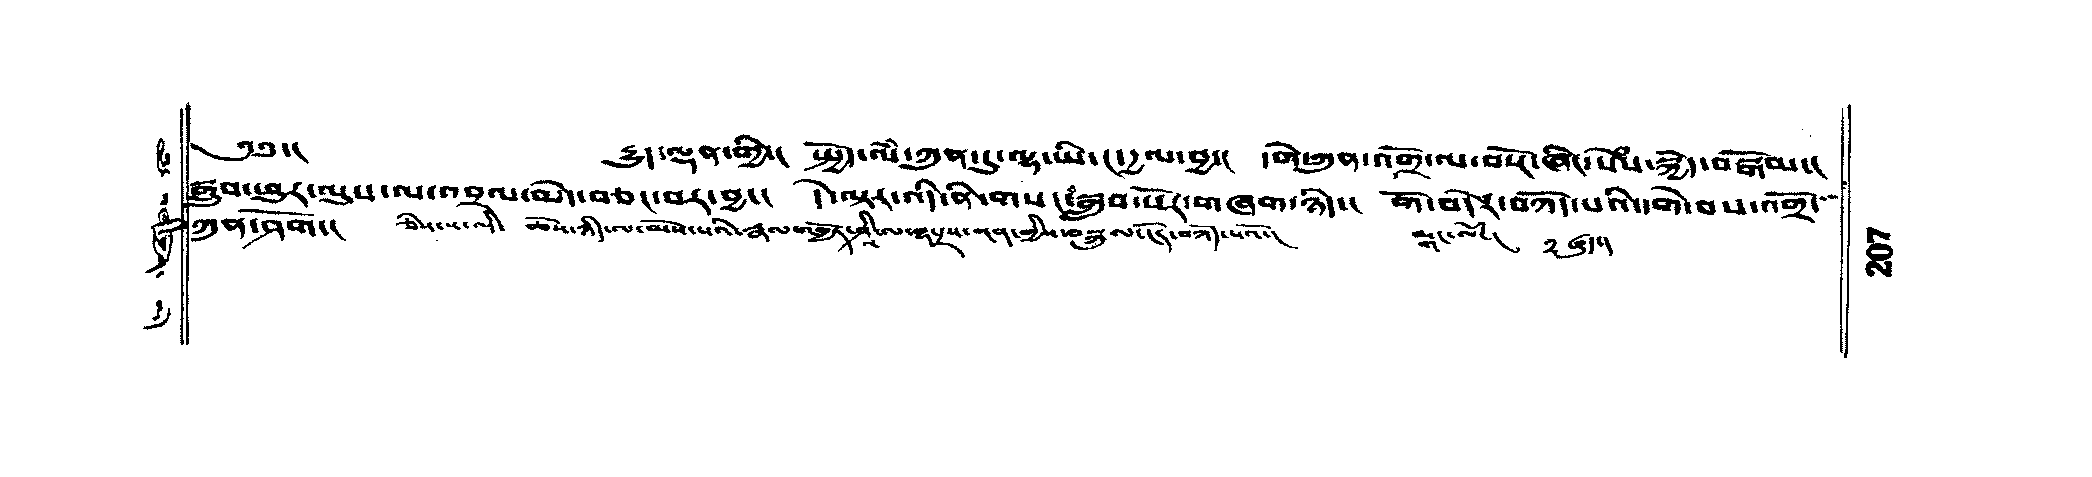རྒྱུད་ལྡན་གྱི། སྤྱོད་ལམ་ཀུན་ཏུ་ལྷ་ཡི་ང་རྒྱལ་བྱ། དགེ་ཀུན་འགྲོ་ལ་བསྔོ་ཞིང་སེམས་སྐྱེད་བསྒོམ། 
སྒྲུབ་ཕུར་ལུས་ལ་འབྲལ་མེད་བཅང་བར་བྱ། དེ་ལྟར་འདི་ནི་གསང་བསྒྲུབ་སོར་གཞག་ཉིད། གོ་བདེར་བཀོད་པའི་དགེ་བས་འགྲོ་
ཀུན་ཤོག ཅེས་པ་འདི། ཆོས་ཉིད་ལ་མོས་པའི་རྣལ་འབྱོར་ཤཱི་ལ་ལྷ་དྲས་ནན་གྱིས་བསྐུལ་ངོར་བཀོད་པའོ། མངྒ་ལཾ།།